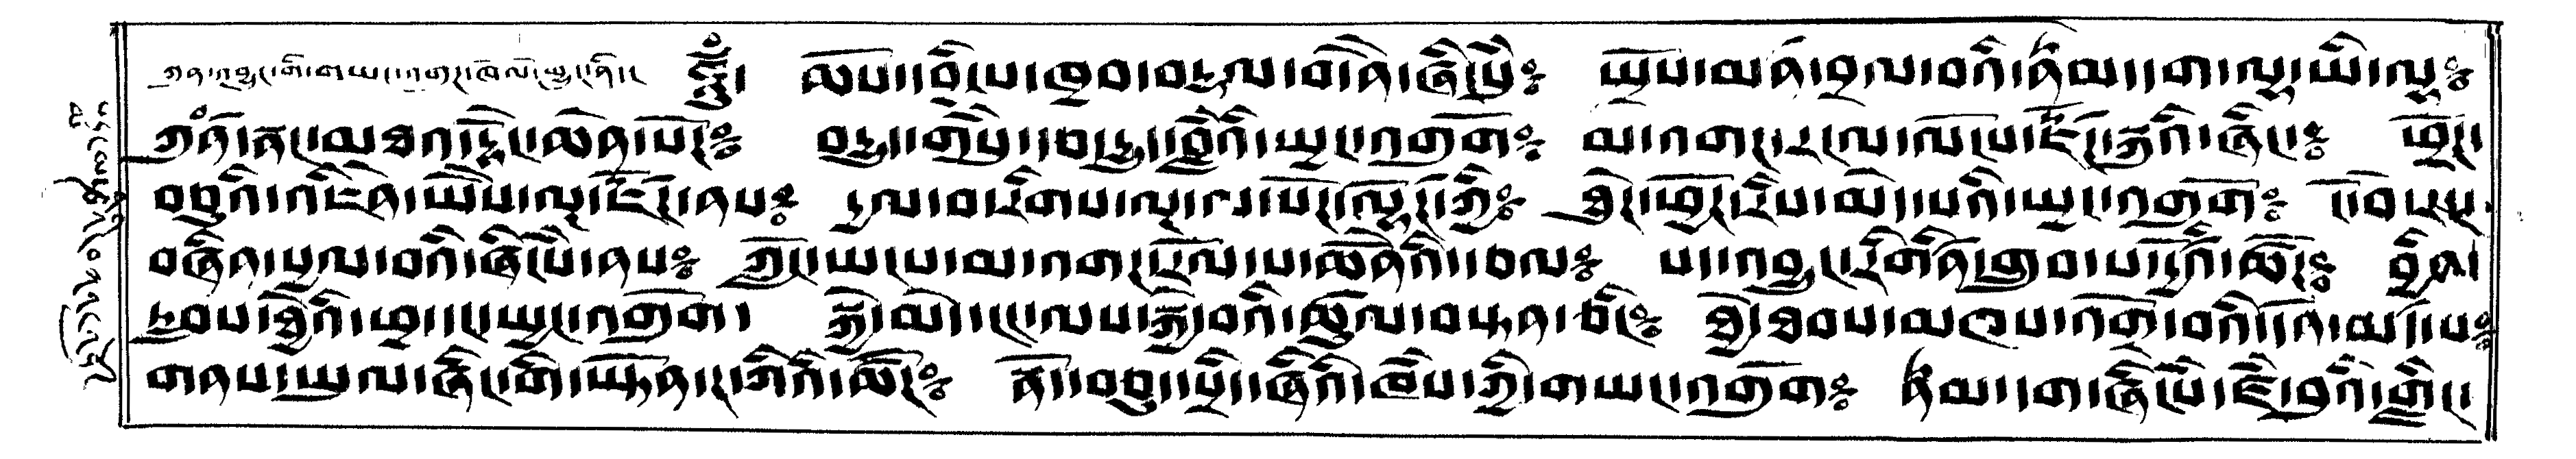ཀུན་འབྱུང་གི་གཡང་འགུགས་ཁོལ་ཕྱུང་ནི། ཧཱུྃ༔ ཆོས་དབྱིངས་ཁྱབ་བརྡལ་བདེ་ཆེན་ཞིང་ཁམས་སུ༔ སྤྲོས་མཚན་བྲལ་བའི་རྣམ་དག་ལྷ་ཡི་ལྷ༔ 
ཀུན་བཟང་སྣང་མཐའ་རྡོ་རྗེ་འཆང་ཆེན་སོགས༔ བརྒྱུད་གསུམ་རྩ་རྒྱུད་བླ་མའི་གཡང་འགུག་གོ༔ མ་འགགས་རང་གསལ་ལོངས་སྤྱོད་རྫོགས་སྐུའི་ཞིང༔ ཕྱོགས་
བཅུའི་འཇིག་རྟེན་ཡེ་ཤེས་ལྔ་རྫོགས་ནས༔ རྒྱལ་བ་རིགས་ལྔ་ལ་སོགས་ལྷ་ཚོགས་ཀྱི༔ ཐུགས་རྗེ་ཕྱོགས་རིས་མེད་པའི་གཡང་འགུག་གོ༔ ངོ་བོ་རང་
བཞིན་གསལ་བའི་ཞིང་ཁམས་ནས༔ ཀློང་ཡངས་མ་འགགས་རོལ་པ་ཆེན་པོའི་རྩལ༔ པད་འབྱུང་རིག་འཛིན་གྲུབ་པ་རྒྱ་མཚོའི་ཚོགས༔ བྱིན་
རླབས་ཐུགས་རྗེའི་ཕྱ་དང་གཡང་འགུག་གོ སྐྱེ་མེད་ངང་ལས་སྐྱེ་བའི་ཚུལ་བསྟན་ཅིང༔ ཐུགས་རྗེ་ཐབས་མཁས་འགྲོ་བའི་དོན་མཛད་པ༔ 
གནས་ཡུལ་ཞིང་གི་ཡོན་ཏན་ཌ་ཀིའི་ཚོགས༔ སྣོད་བཅུད་སྲིད་ཞིའི་ཁམས་ཀྱི་གཡང་འགུག་གོ༔ རྣམ་དག་ཞིང་ཁམས་ཛམ་བུའི་གླིང་